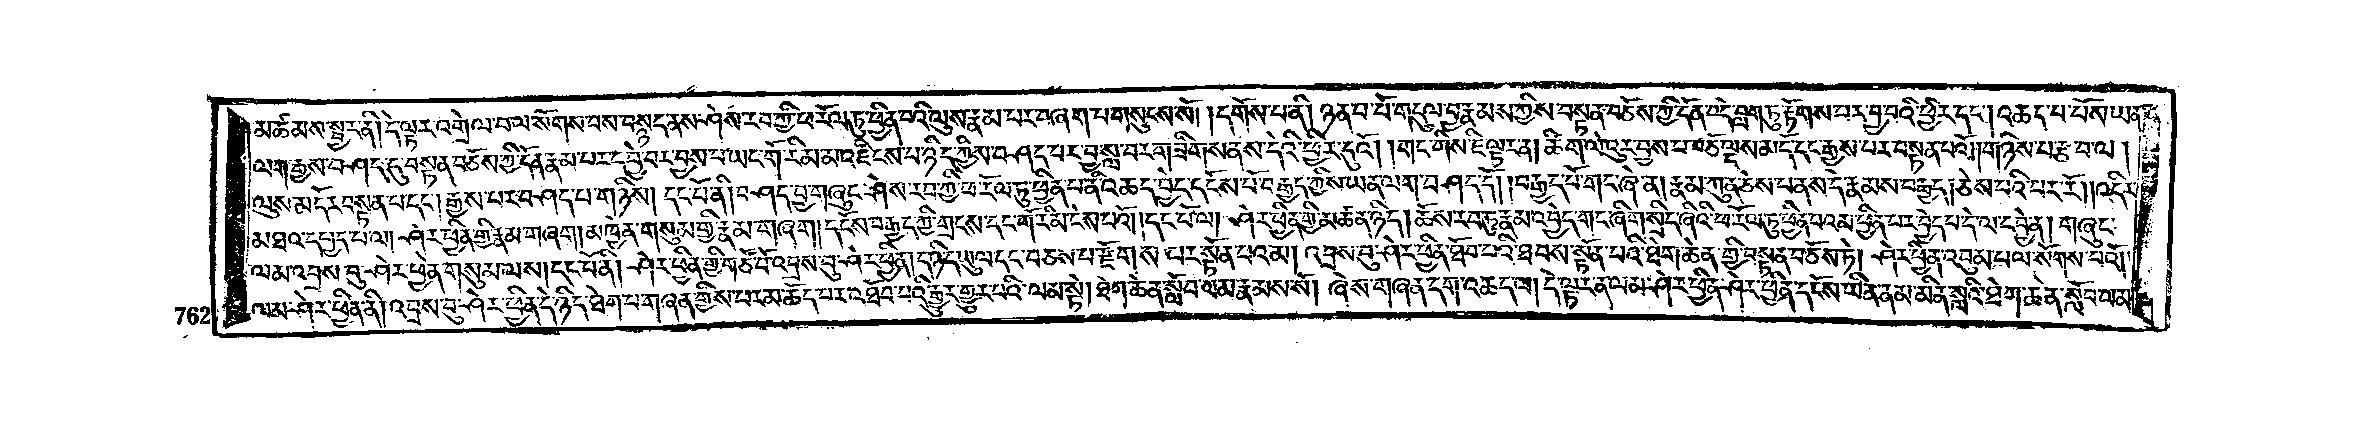མཚམས་སྦྱར་ནི། དེ་ལྟར་འགྲེལ་བ་ལ་སོགས་པས་བསྙད་ནས་ཤེས་རབ་ཀྱི་ཕ་རོལ་ཏུ་ཕྱིན་པའི་ལུས་རྣམ་པར་བཞག་པ་གསུངས་སོ། །དགོས་པ་ནི། ཉན་པ་པོ་གདུལ་བྱ་རྣམས་ཀྱིས་བསྟན་བཅོས་ཀྱི་དོན་བདེ་བླག་ཏུ་རྟོགས་པར་བྱ་བའི་ཕྱིར་དང་། འཆད་པ་པོས་ཡན་
ལག་རྒྱས་བཤད་དུ་བསྟན་བཅོས་ཀྱི་དོན་རྣམ་པར་དབྱེ་བར་བྱས་པ་ཡང་གོ་རིམ་མ་འཛིངས་པ་ཉིད་ཀྱིས་བཤད་པར་བྱ་སླ་བར་གཟིགས་ནས་དེའི་ཕྱིར་དུའོ། །གང་གིས་ཇི་ལྟར་ན། ཚིག་ལེའུར་བྱས་པ་བཅོ་ལྔས་མདོ་དང་རྒྱས་པར་བསྟན་པའོ། །གཉིས་པ་རྩ་བ་ལ།
ལུས་མདོར་བསྟན་པ་དང་། རྒྱས་པར་བཤད་པ་གཉིས། དང་པོ་ནི། བཤད་བྱ་གཞུང་ཤེས་རབ་ཀྱི་ཕ་རོལ་ཏུ་ཕྱིན་པ་ནི་འཆད་བྱེད་དངོས་པོ་བརྒྱད་ཀྱིས་ཡན་ལག་བཤད་དོ། །བརྒྱད་པོ་གང་ཞེ་ན། རྣམ་ཀུན་ཅེས་པ་ནས་དེ་རྣམས་བརྒྱད། ཅེས་པའི་བར་རོ། །འདིར་
མཐའ་དཔྱད་པ་ལ། ཤེར་ཕྱིན་གྱི་རྣམ་གཞག། མཁྱེན་གསུམ་གྱི་རྣམ་གཞག། དངོས་བརྒྱད་ཀྱི་གྲངས་དང་གོ་རིམ་ངེས་པའོ། །དང་པོ་ལ། ཤེར་ཕྱིན་གྱི་མཚན་ཉིད། ཆོས་རབ་ཏུ་རྣམ་འབྱེད་གང་ཞིག་སྲིད་ཞིའི་ཕ་རོལ་ཏུ་ཕྱིན་པའམ་ཕྱིན་པར་བྱེད་པ་དེ་ལ་དབྱེ་ན། གཞུང་
ལམ་འབྲས་བུ་ཤེར་ཕྱིན་གསུམ་ལས། དང་པོ་ནི། ཤེར་ཕྱིན་གྱི་གཙོ་བོ་འབྲས་བུ་ཤེར་ཕྱིན། དེ་ཉིད་ཡུལ་དང་བཅས་པ་རྫོགས་པར་སྟོན་པའམ། འབྲས་བུ་ཤེར་ཕྱིན་ཐོབ་པའི་ཐབས་སྟོན་པའི་ཐེག་ཆེན་གྱི་བསྟན་བཅོས་ཏེ། ཤེར་ཕྱིན་འབུམ་པ་ལ་སོགས་པའོ།
ལམ་ཤེར་ཕྱིན་ནི། འབྲས་བུ་ཤེར་ཕྱིན་དེ་ཉིད་ཐེག་པ་གཞན་གྱིས་པར་མ་ཆོད་པར་འཐོབ་པའི་རྒྱུར་གྱུར་པའི་ལམ་སྟེ། ཐེག་ཆེན་སློབ་ལམ་རྣམས་སོ། ཞེས་གཞན་དག་འཆད་ལ། དེ་ལྟར་ན་ལམ་ཤེར་ཕྱིན་དངོས་ཡིན་ནམ་མིན་སླའི་ཐེག་ཆེན་སློབ་ལམ་